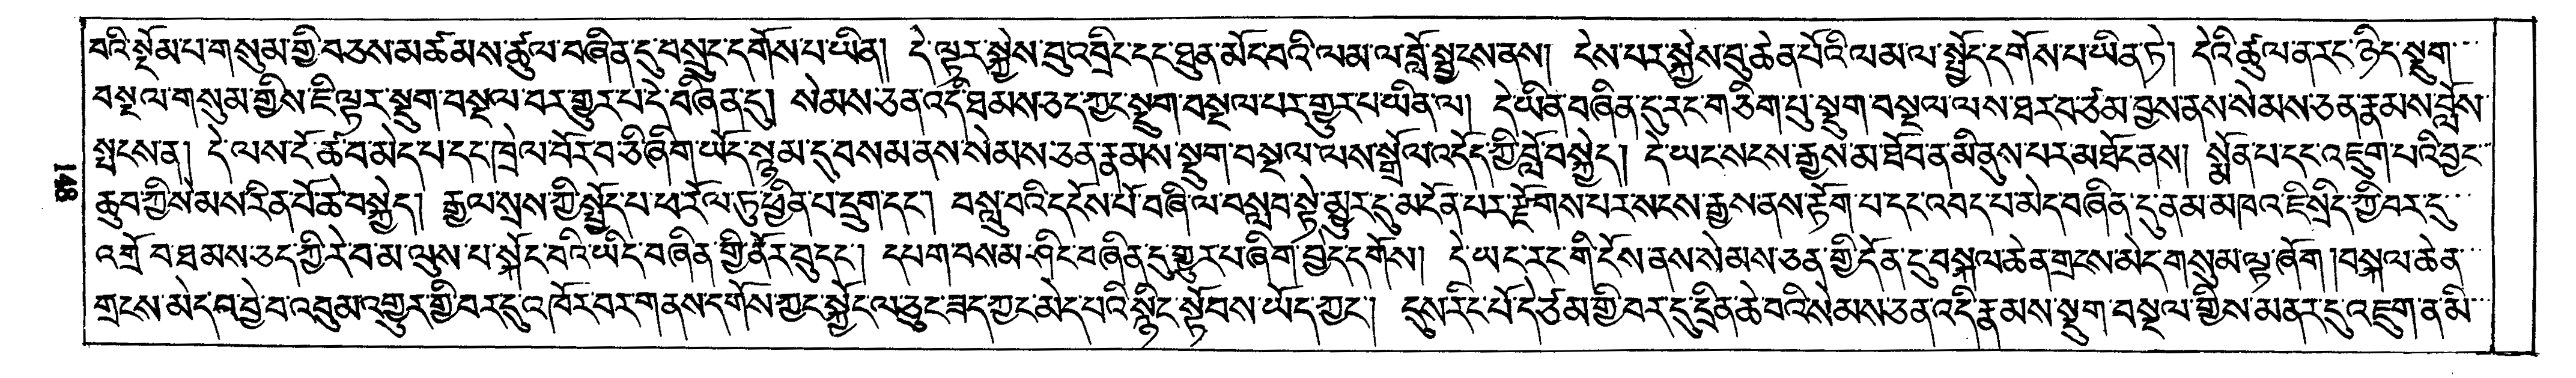བའི་སྔོམ་པ་གསུམ་གྱི་བཅས་མཚམས་ཚུལ་བཞིན་དུ་བསྲུང་དགོས་པ་ཡིན། དེ་ལྟར་སྐྱེས་བུ་འབྲིང་དང་ཐུན་མོང་བའི་ལམ་ལ་བློ་སྦྱངས་ནས། ངེས་པར་སྐྱེས་བུ་ཆེན་པོའི་ལམ་ལ་སྦྱོང་དགོས་པ་ཡིན་ཏེ། དེའི་ཚུལ་ནི་རང་ཉིད་སྡུག་
བསྔལ་གསུམ་གྱིས་ཇི་ལྟར་སྡུག་བསྔལ་བར་གྱུར་པ་དེ་བཞིན་དུ། སེམས་ཅན་འདི་ཐམས་ཅད་ཀྱང་སྡུག་བསྔལ་བར་གྱུར་པ་ཡིན་ལ། དེ་ཡིན་བཞིན་དུ་རང་གཅིག་པུ་སྡུག་བསྔལ་ལས་ཐར་བཙམ་བྱས་ནས་སེམས་ཅན་རྣམས་བློས་
སྤངས་ན། དེ་ལས་ངོ་ཚ་བ་མེད་པ་དང་ཁྲེལ་བོར་བ་ཅི་ཞིག་ཡོད་སྙམ་དུ་བསམ་ནས་སེམས་ཅན་རྣམས་སྡུག་བསྔལ་ལས་སྒྲོལ་འདོད་ཀྱི་བློ་བསྐྱེད། དེ་ཡང་སངས་རྒྱས་མ་ཐོབ་ན་མི་ནུས་པར་མཐོང་ནས། སྨོན་པ་དང་འཇུག་པའི་བྱང་
ཆུབ་ཀྱི་སེམས་རིན་པོ་ཆེ་བསྐྱེད། རྒྱལ་སྲས་ཀྱི་སྤྱོད་པ་ཕ་རོལ་ཏུ་ཕྱིན་པ་དྲུག་དང་། བསྡུ་བའི་དངོས་པོ་བཞི་ལ་བསླབ་སྟེ་མྱུར་དུ་མངོན་པར་རྫོགས་པར་སངས་རྒྱས་ནས་རྟོག་པ་དང་འབད་བ་མེད་བཞིན་དུ་ནམ་མཁའ་ཇི་སྲིད་ཀྱི་བར་དུ་
འགྲོ་བ་ཐམས་ཅད་ཀྱི་རེ་བ་མ་ལུས་པ་སྐོང་བའི་ཡིད་བཞིན་གྱི་ནོར་བུ་དང་། དཔག་བསམ་ཤིང་བཞིན་དུ་གྱུར་པ་ཞིག་བྱེད་དགོས། དེ་ཡང་རང་གི་ངོས་ནས་སེམས་ཅན་གྱི་དོན་དུ་བསྐལ་ཆེན་གྲངས་མེད་གསུམ་ལྟ་ཞོག །བསྐལ་ཆེན་
གྲངས་མེད་པ་བྱེ་བ་འབུམ་འགྱུར་གྱི་བར་དུ་འཁོར་བར་གནས་དགོས་ཀྱང་སྐྱོ་ངལ་ཅུང་ཟད་ཀྱང་མེད་པའི་སྙིང་སྟོབས་ཡོད་ཀྱང་། དུས་རིང་པོ་དེ་ཙམ་གྱི་བ་ར་དུ་དྲིན་ཆེ་བའི་སེམས་ཅན་འདི་རྣམས་སྡུག་བསྔལ་གྱིས་མནར་དུ་འཇུག་ན་མི་